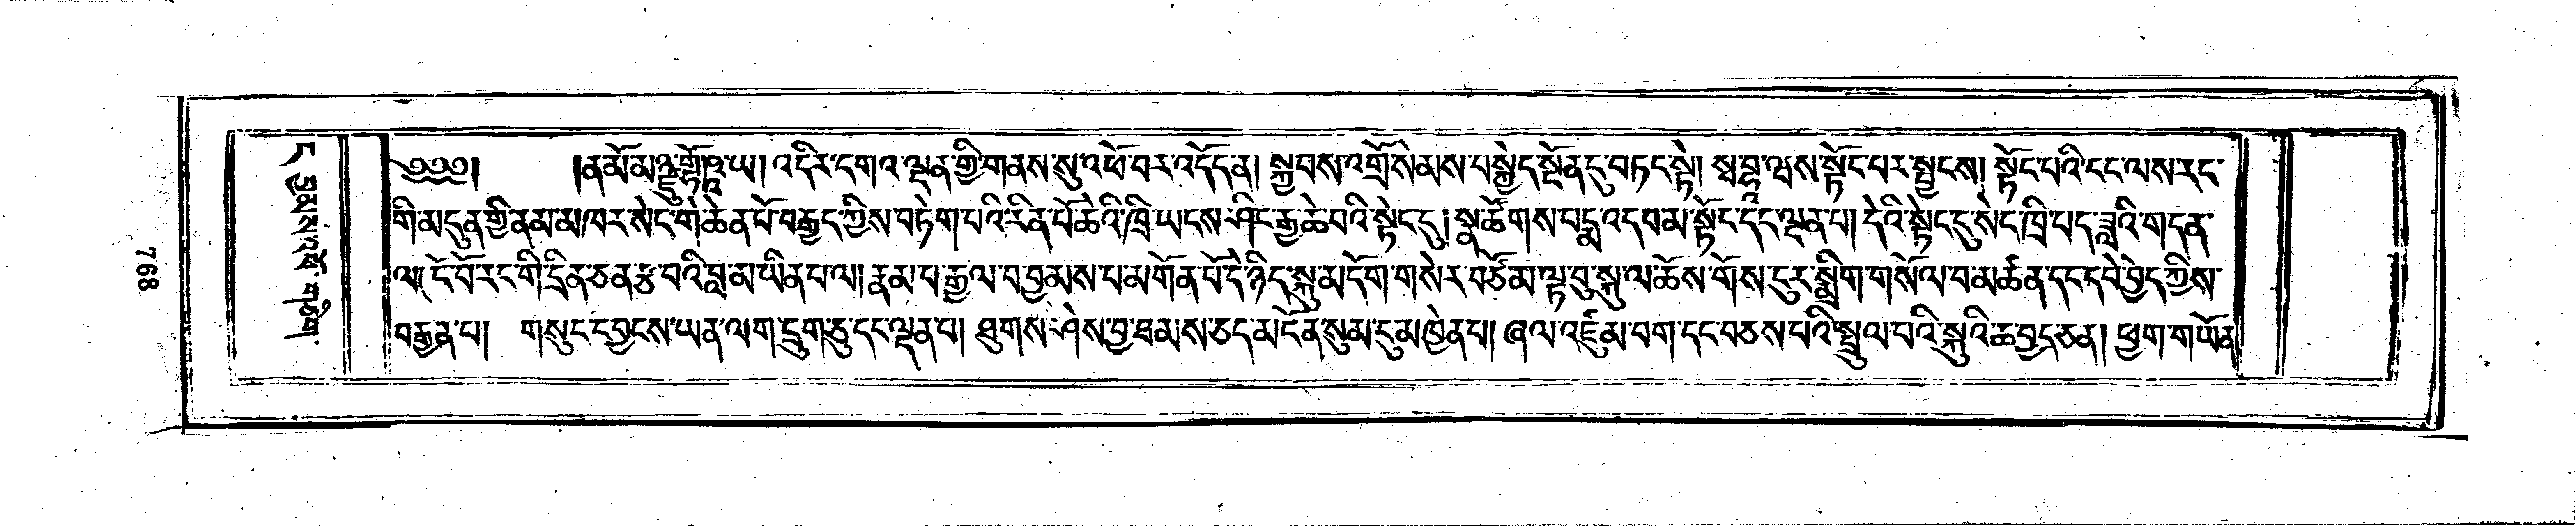༄༅༅། །ན་མོ་མཉྫུ་གྷོ་ཥཱ་ཡ། འདིར་དགའ་ལྡན་གྱི་གནས་སུ་འཕོ་བར་འདོད་ན། སྐྱབས་འགྲོ་སེམས་བསྐྱེད་སྔོན་དུ་བཏང་སྟེ། སྭ་བྷཱ་ཝས་སྟོང་པར་སྦྱངས། སྟོང་པའི་ངང་ལས་རང་
གི་མདུན་གྱི་ནམ་མཁར་སེང་གེ་ཆེན་པོ་བརྒྱད་ཀྱིས་བཏེག་པའི་རིན་པོ་ཆེའི་ཁྲི་ཡངས་ཤིང་རྒྱ་ཆེ་བའི་སྟེང་དུ། སྣ་ཚོགས་པདམ་འདབ་མ་སྟོང་དང་ལྡན་པ། དེའི་སྟེང་དུ་སེང་ཁྲི་པད་ཟླའི་གདན་
ལ༑ ངོ་བོ་རང་གི་དྲིན་ཅན་རྩ་བའི་བླ་མ་ཡིན་པ་ལ། རྣམ་པ་རྒྱལ་བ་བྱམས་པ་མགོན་པོ་དེ་ཉིད་སྐུ་མདོག་གསེར་བཙོ་མ་ལྟ་བུ་སྐུ་ལ་ཆོས་གོས་ངུར་སྨྲིག་གསོལ་བ་མཚན་དང་དཔེ་བྱད་ཀྱིས་
བརྒྱན་པ། གསུང་དབྱངས་ཡན་ལག་དྲུག་ཅུ་དང་ལྡན་པ། ཐུགས་ཤེས་བྱ་ཐམས་ཅད་མངོན་སུམ་དུ་མཁྱེན་པ། ཞལ་འཛུམ་བག་དང་བཅས་པའི་སྤྲུལ་པའི་སྐུའི་ཆ་བྱད་ཅན། ཕྱག་གཡོན་